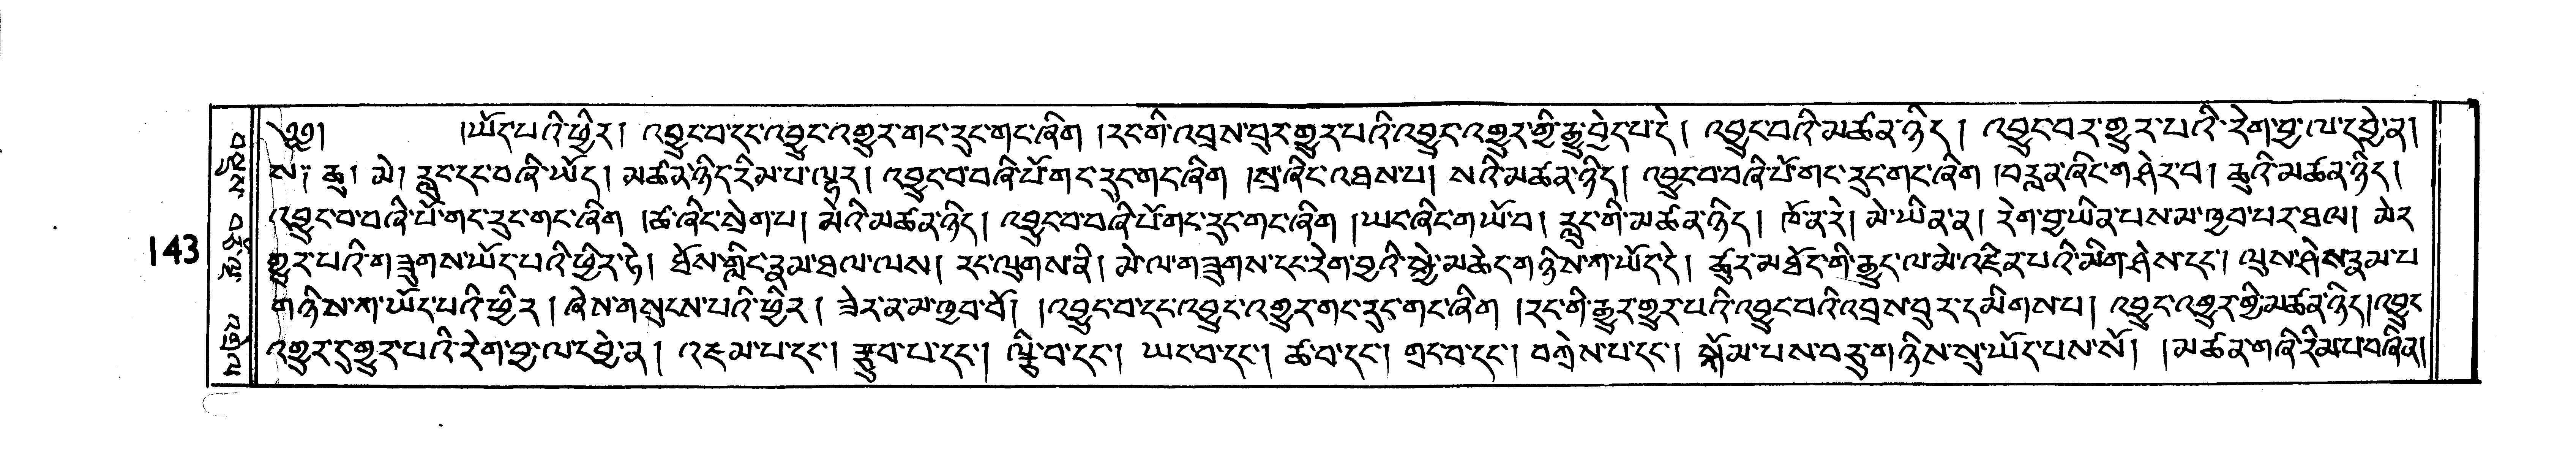༄༅། །ཡོད་པའི་ཕྱིར། འབྱུང་བ་དང་འབྱུང་འགྱུར་གང་རུང་གང་ཞིག །རང་གི་འབྲས་བུར་གྱུར་པའི་འབྱུང་འགྱུར་གྱི་རྒྱུ་བྱེད་པ་དེ། འབྱུང་བའི་མཚན་ཉིད། འབྱུང་བར་གྱུར་པའི་རེག་བྱ་ལ་དབྱེ་ན།
ས༑ ཆུ༑ མེ། རླུང་དང་བཞི་ཡོད། མཚན་ཉིད་རིམ་པ་ལྟར། འབྱུང་བ་བཞི་པོ་གང་རུང་གང་ཞིག །སྲ་ཞིང་འཐས་པ། སའི་མཚན་ཉིད། འབྱུང་བ་བཞི་པོ་གང་རུང་གང་ཞིག །བརླན་ཞིང་གཤེར་བ། ཆུའི་མཚན་ཉིད།
འབྱུང་བ་བཞི་པོ་གང་རུང་གང་ཞིག །ཚ་ཞིང་སྲེག་པ། མེའི་མཚན་ཉིད། འབྱུང་བ་བཞི་པོ་གང་རུང་གང་ཞིག །ཡང་ཞིང་གཡོ་བ། རླུང་གི་མཚན་ཉིད། ཁོ་ན་རེ། མེ་ཡིན་ན། རེག་བྱ་ཡིན་པས་མ་ཁྱབ་པར་ཐལ། མེར་
གྱུར་པའི་གཟུགས་ཡོད་པའི་ཕྱིར་ཏེ། ཐོས་གླིང་རྣམ་ཐལ་ལས། རང་ལུགས་ནི། མེ་ལ་གཟུགས་དང་རེག་བྱའི་སྐྱེ་མཆེད་གཉིས་ཀ་ཡོད་དེ། ཚུར་མཐོང་གི་རྒྱུད་ལ་མེ་འཛིན་པའི་མིག་ཤེས་དང་། ལུས་ཤེས་རྣམ་པ་
གཉིས་ཀ་ཡོད་པའི་ཕྱིར། ཞེས་གསུངས་པའི་ཕྱིར། ཟེར་ན་མ་ཁྱབ་བོ། །འབྱུང་བ་དང་འབྱུང་འགྱུར་གང་རུང་གང་ཞིག །རང་གི་རྒྱུར་གྱུར་པའི་འབྱུང་བའི་འབྲས་བུར་དམིགས་པ། འབྱུང་འགྱུར་གྱི་མཚན་ཉིད། འབྱུང་
འགྱུར་དུ་གྱུར་པའི་རེག་བྱ་ལ་དབྱེ་ན། འཇམ་པ་དང་། རྩུབ་པ་དང་། ལྕི་བ་དང་། ཡང་བ་དང་། ཚ་བ་དང་། གྲང་བ་དང་། བཀྲེས་པ་དང་། སྐོམ་པས་བཅུ་གཉིས་སུ་ཡོད་པས་སོ། །མཚན་གཞི་རིམ་པ་བཞིན།